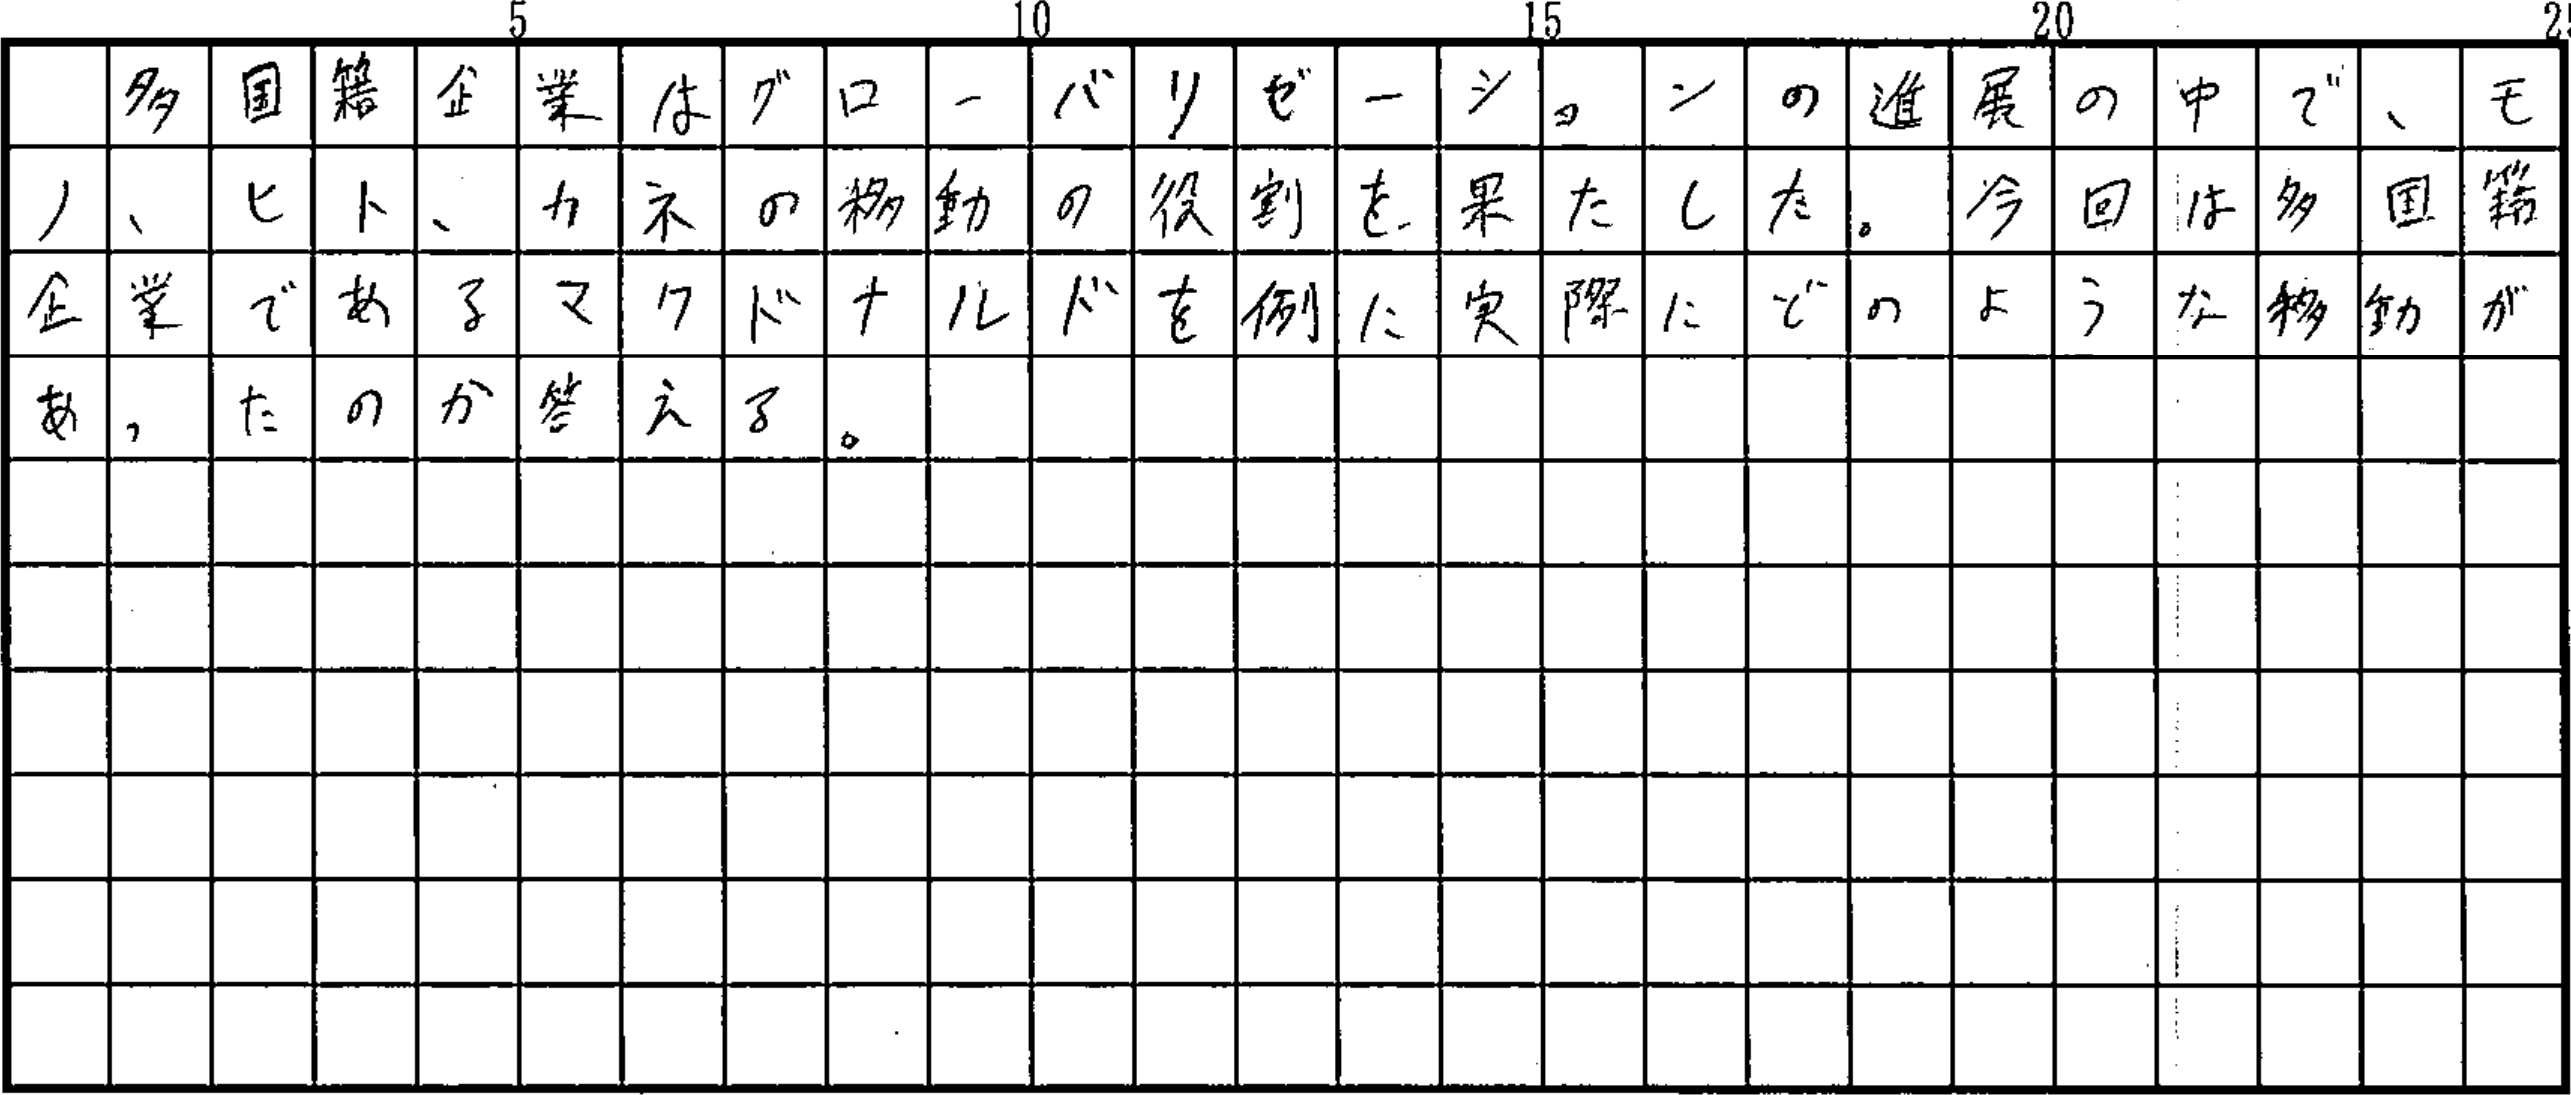　多国籍企業はグローバリゼーションの進展の中で、モノ、ヒト、カネの移動の役割を果たした。今回は多国籍企業であるマクドナルドを例に実際にどのような移動があったのか答える。
